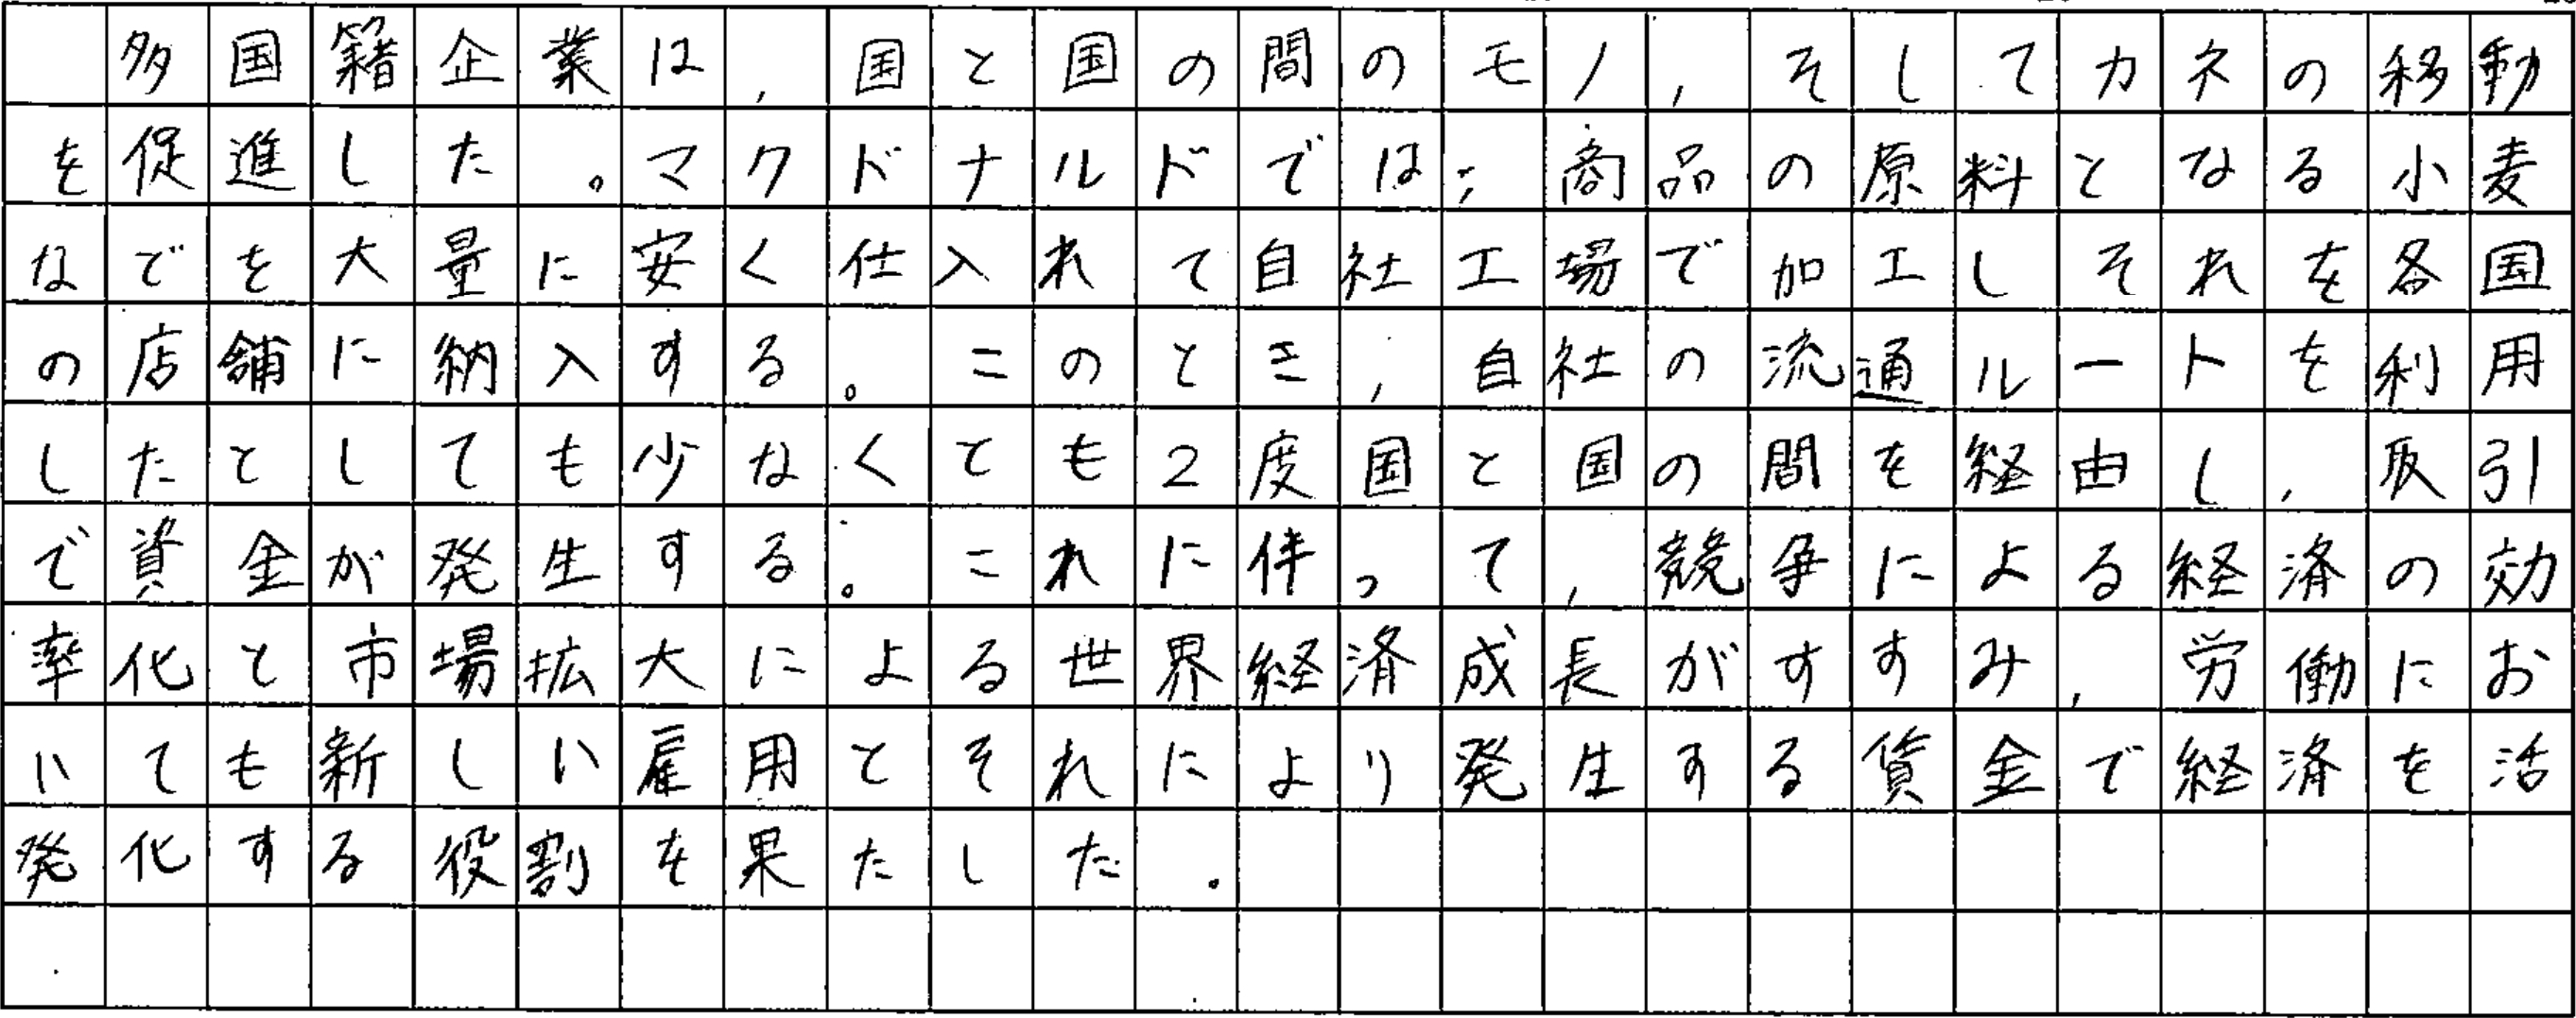　多国籍企業は、国と国との間のモノ、そしてカネの移動を促進した。マクドナルドでは、商品の原料となる小麦などを大量に安く仕入れて自社工場で加工しそれを各国の店舗に納入する。このとき、自社の流通ルートを利用したとしても少なくとも２度国と国の間を経由し、取引で資金が発生する。これに伴って、競争による経済の効率化と市場拡大による世界経済成長がすすみ、労働においても新しい雇用とそれにより発生する賃金で経済を活発化する役割を果たした。
